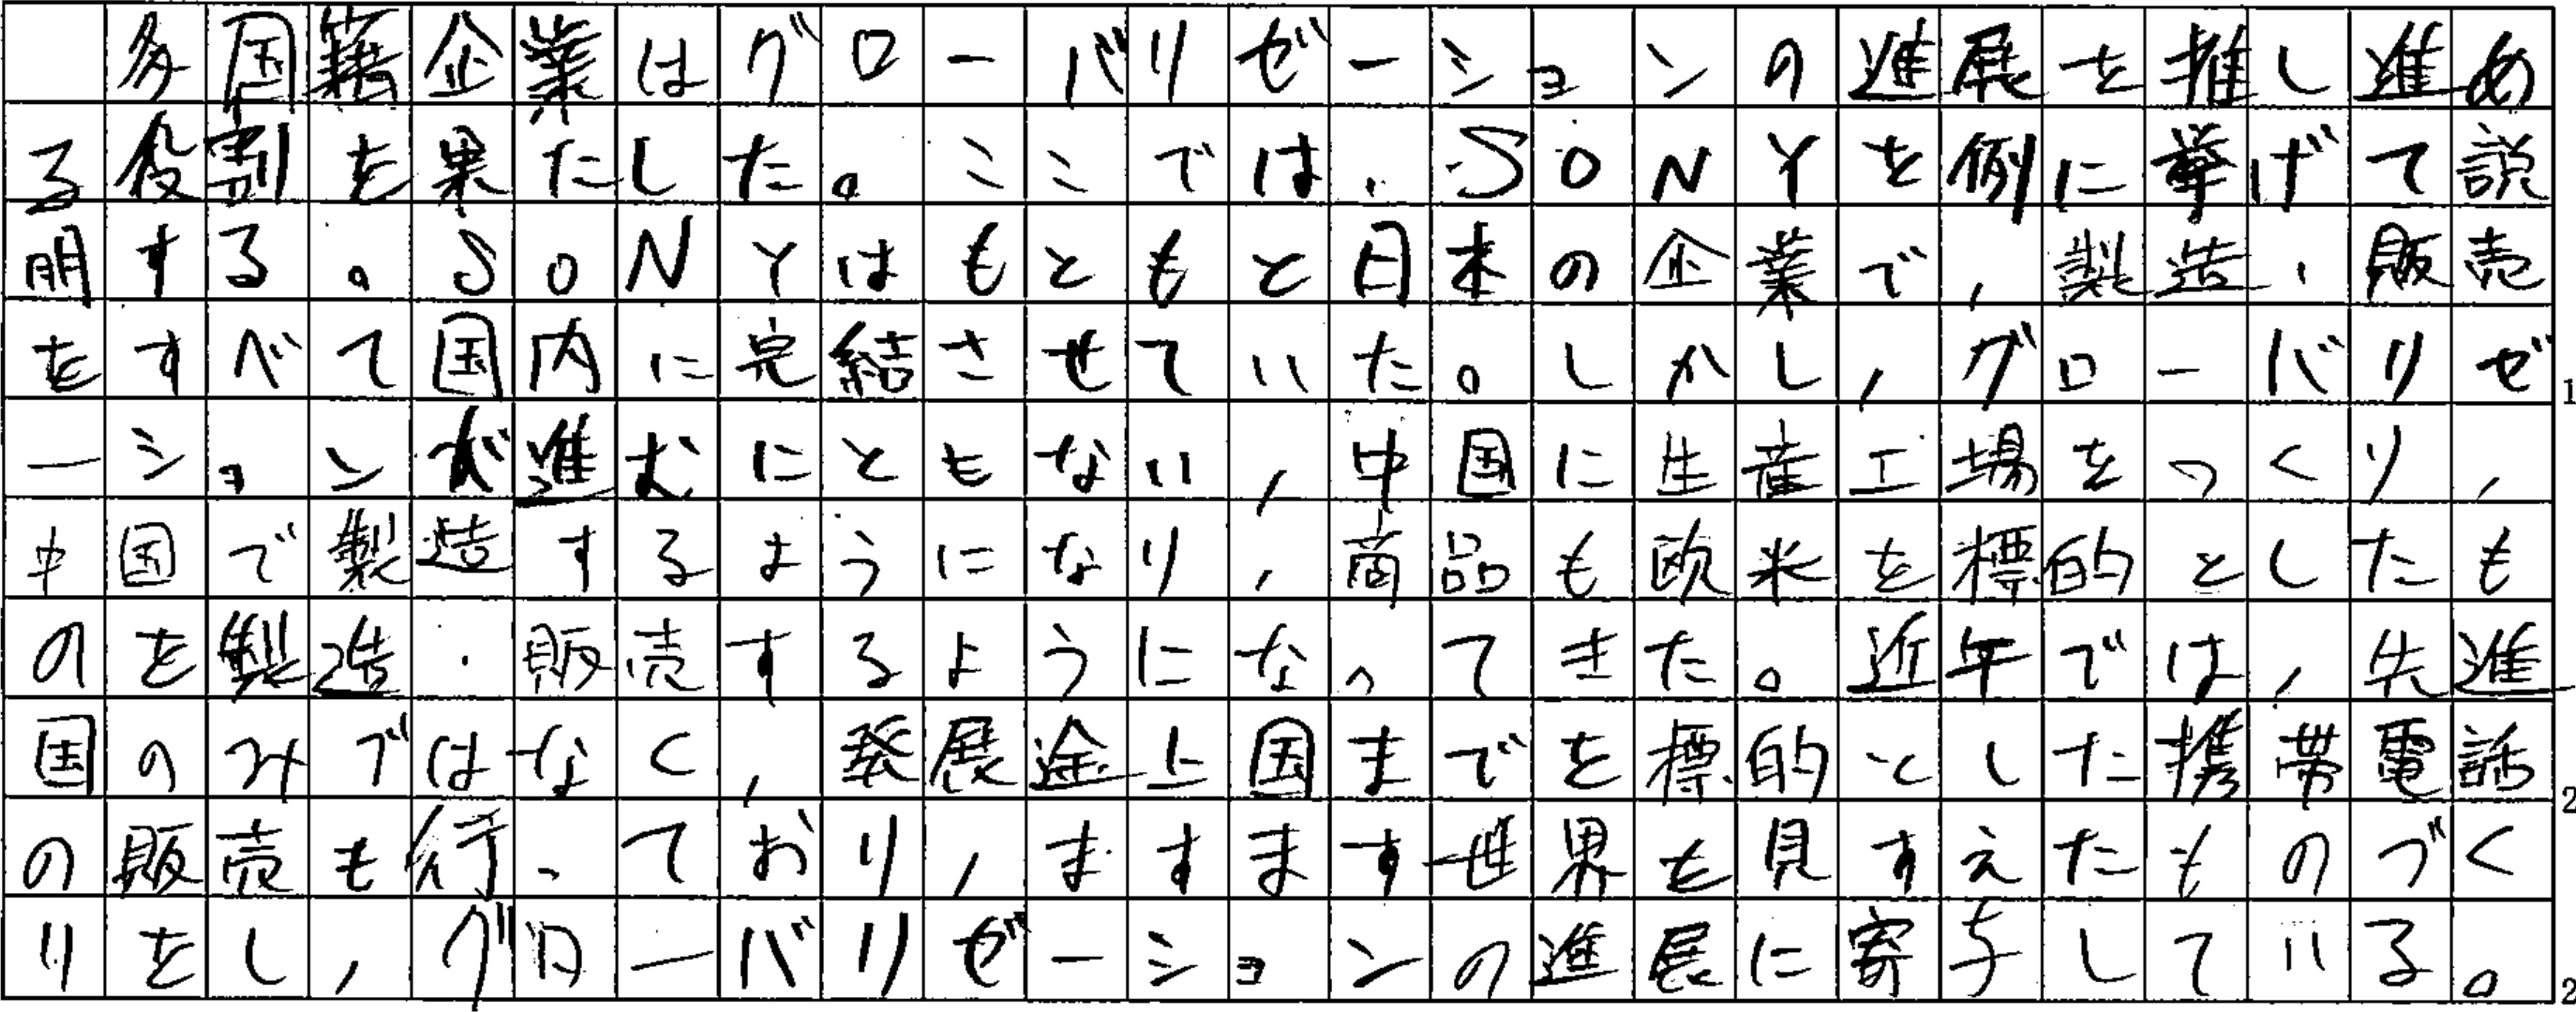　多国籍企業はグローバリゼーションの進展を推し進める役割を果たした。ここでは、ＳＯＮＹを例に挙げて説明する。ＳＯＮＹはもともと日本の企業で、製造、販売をすべて国内に完結させていた。しかし、グローバリゼーションが進むにともない、中国に生産工場を作り、中国で製造するようになり、商品も欧米を標的としたものを製造・販売するようになってきた。近年では、先進国のみではなく、発展途上国までを標的とした携帯電話の販売も行っており、ますます世界を見すえたものづくりをし、グローバリゼーションの進展に寄与している。
